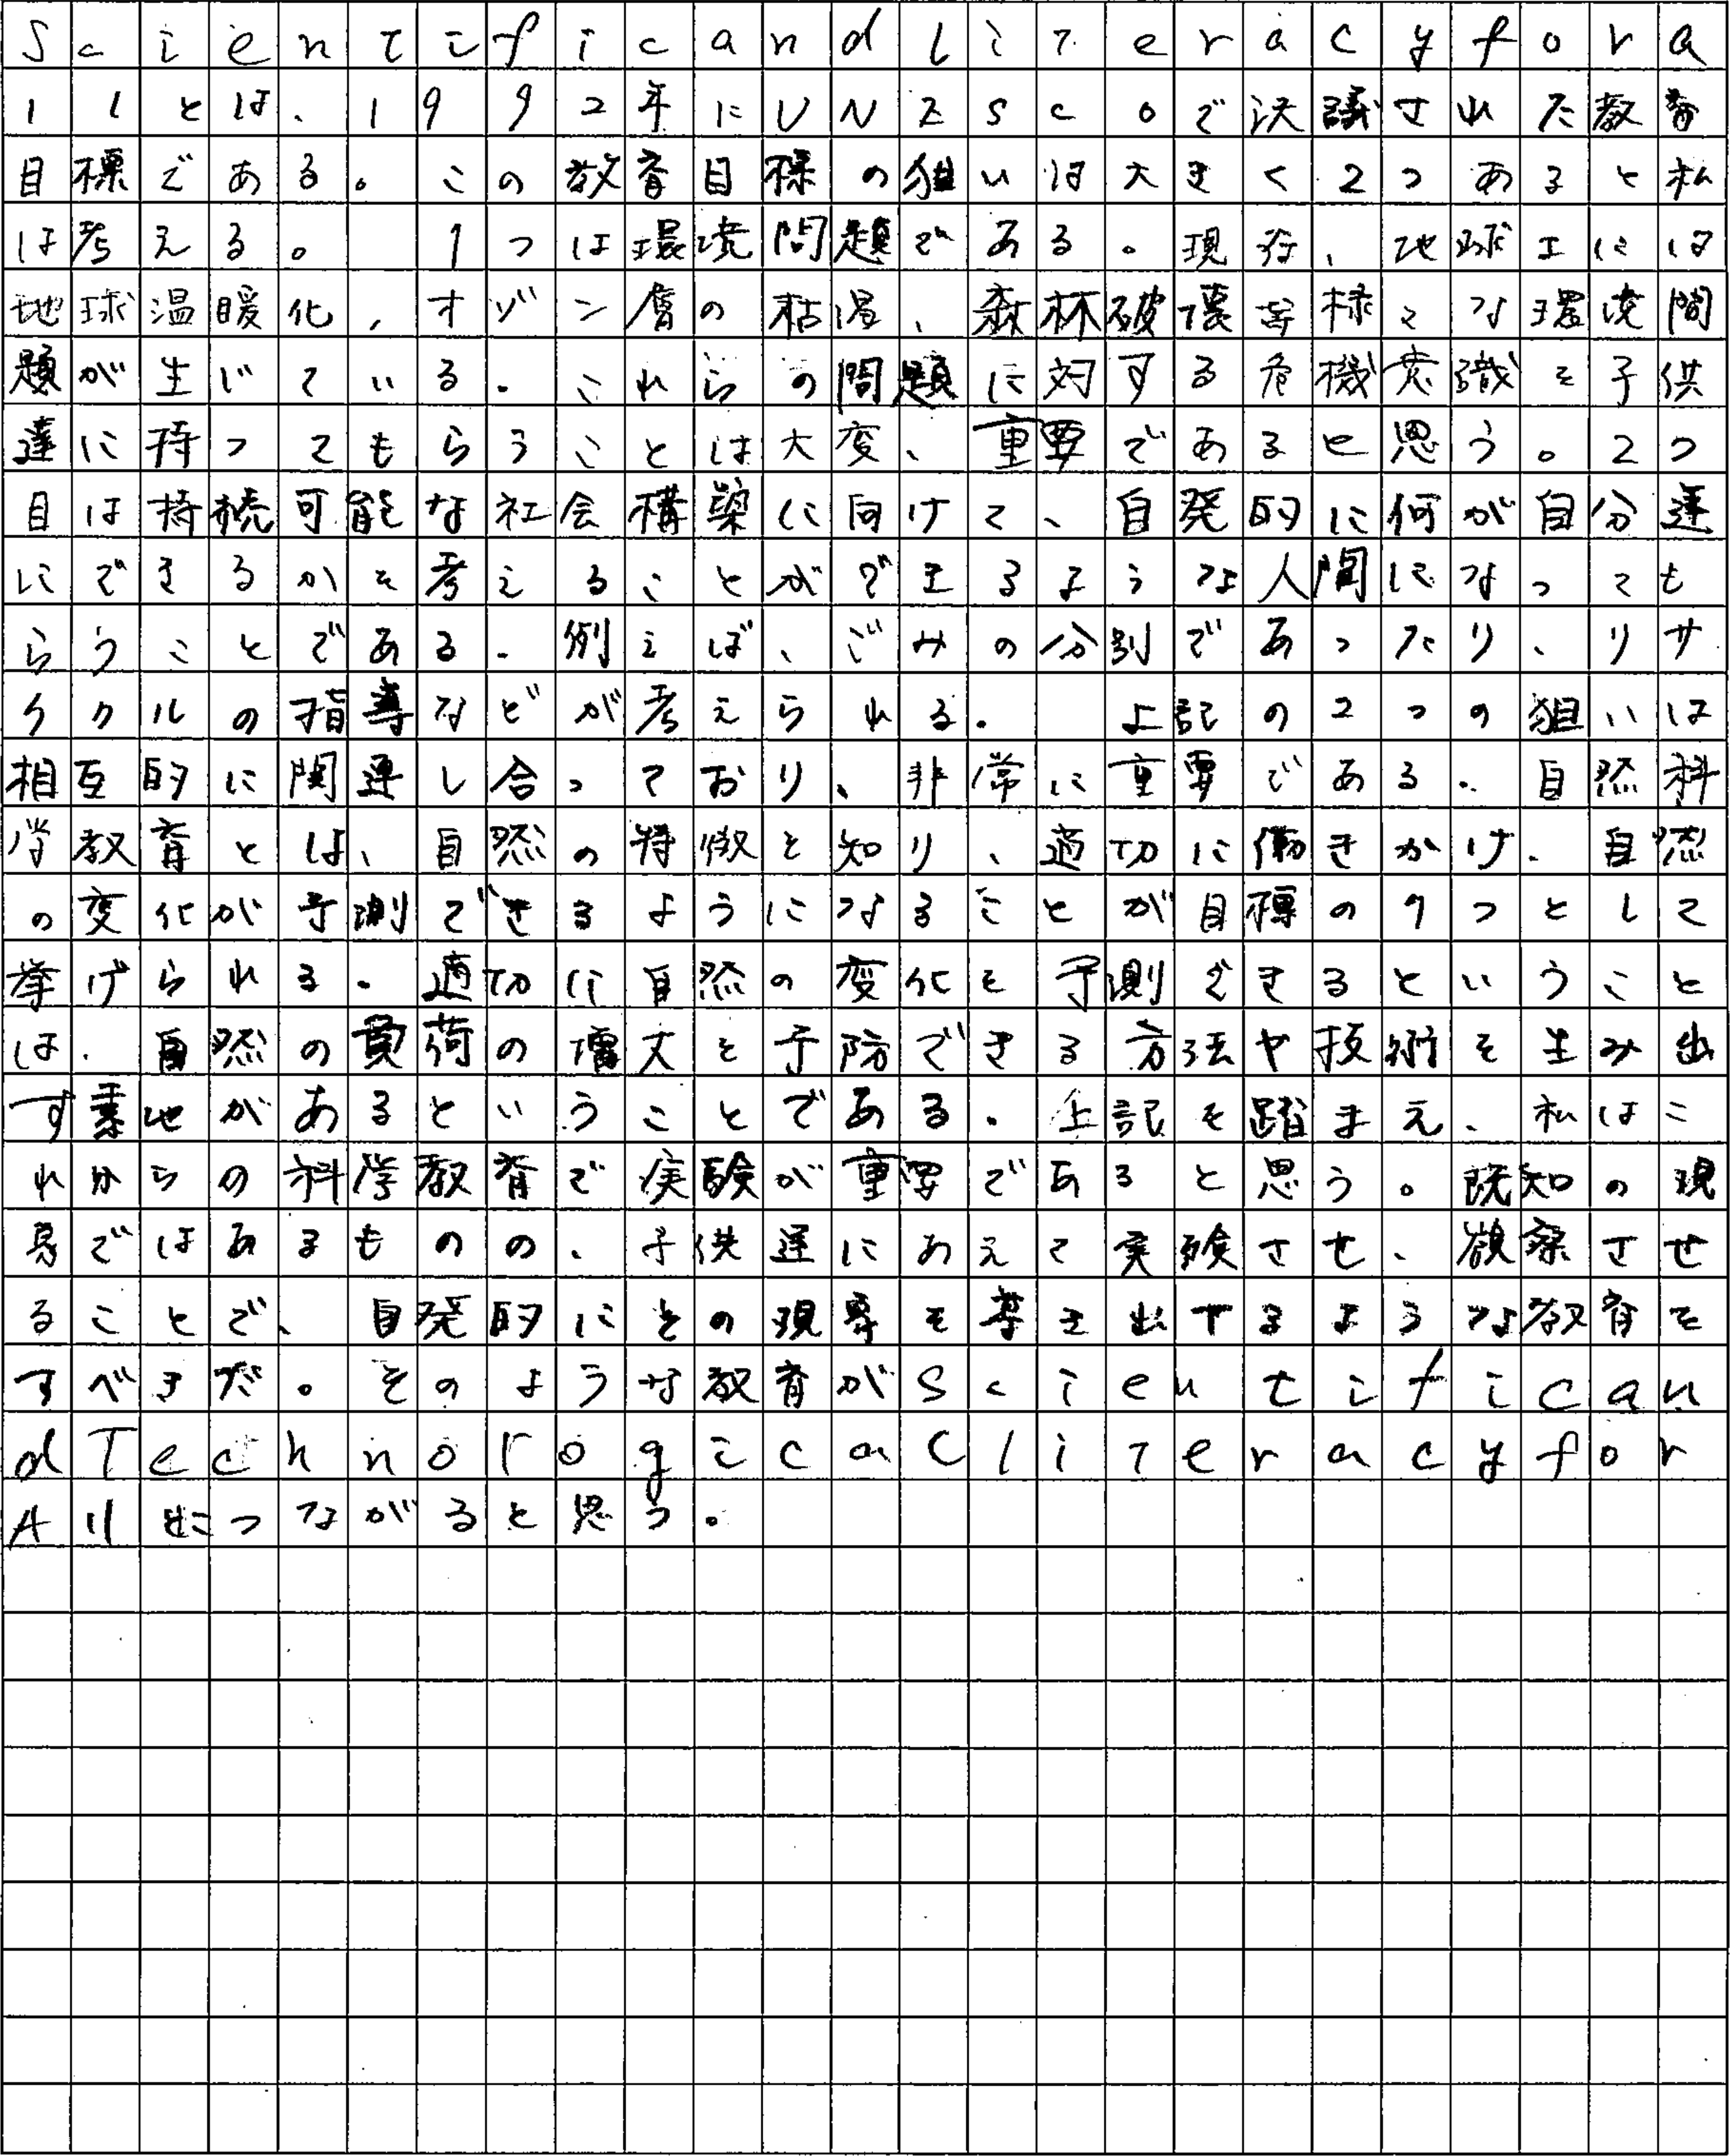ＳｃｉｅｎｔｉｆｉｃａｎｄＬｉｔｅｒａｃｙｆｏｒａｌｌとは、１９９２年にＵＮＥＳＣＯで決議された教育目標である。この教育目標の狙いは大きく２つあると私は考える。　１つは環境問題である。現在、地球上には地球温暖化、オゾン層の枯渇、森林破壊等様々な環境問題が生じている。これらの問題に対する危機意識を子供達に持ってもらうことは大変、重要であると思う。２つ目は持続可能な社会構築に向けて、自発的に何が自分達にできるかを考えることができるような人間になってもらうことである。例えば、ごみの分別であったり、リサイクルの指導などが考えられる。　上記の２つの狙いは相互的に関連し合っており、非常に重要である。自然科学教育とは、自然の特徴を知り、適切に働きかけ、自然の変化が予測できるようになることが目標の１つとして挙げられる。適切に自然の変化を予測できるということは、自然の負荷の増大を予防できる方法や技術を生み出す素地があるということである。上記を踏まえ、私はこれからの科学教育で実験が重要であると思う。既知の現象ではあるものの、子供達にあえて実験させ、観察させることで、自発的にその現象を導き出せるような教育をすべきだ。そのような教育がＳｃｉｅｎｔｉｆｉｃａｎｄＴｅｃｈｎｏｌｏｇｉｃａｃｌｉｔｅｒａｃｙｆｏｒＡｌｌにつながると思う。
